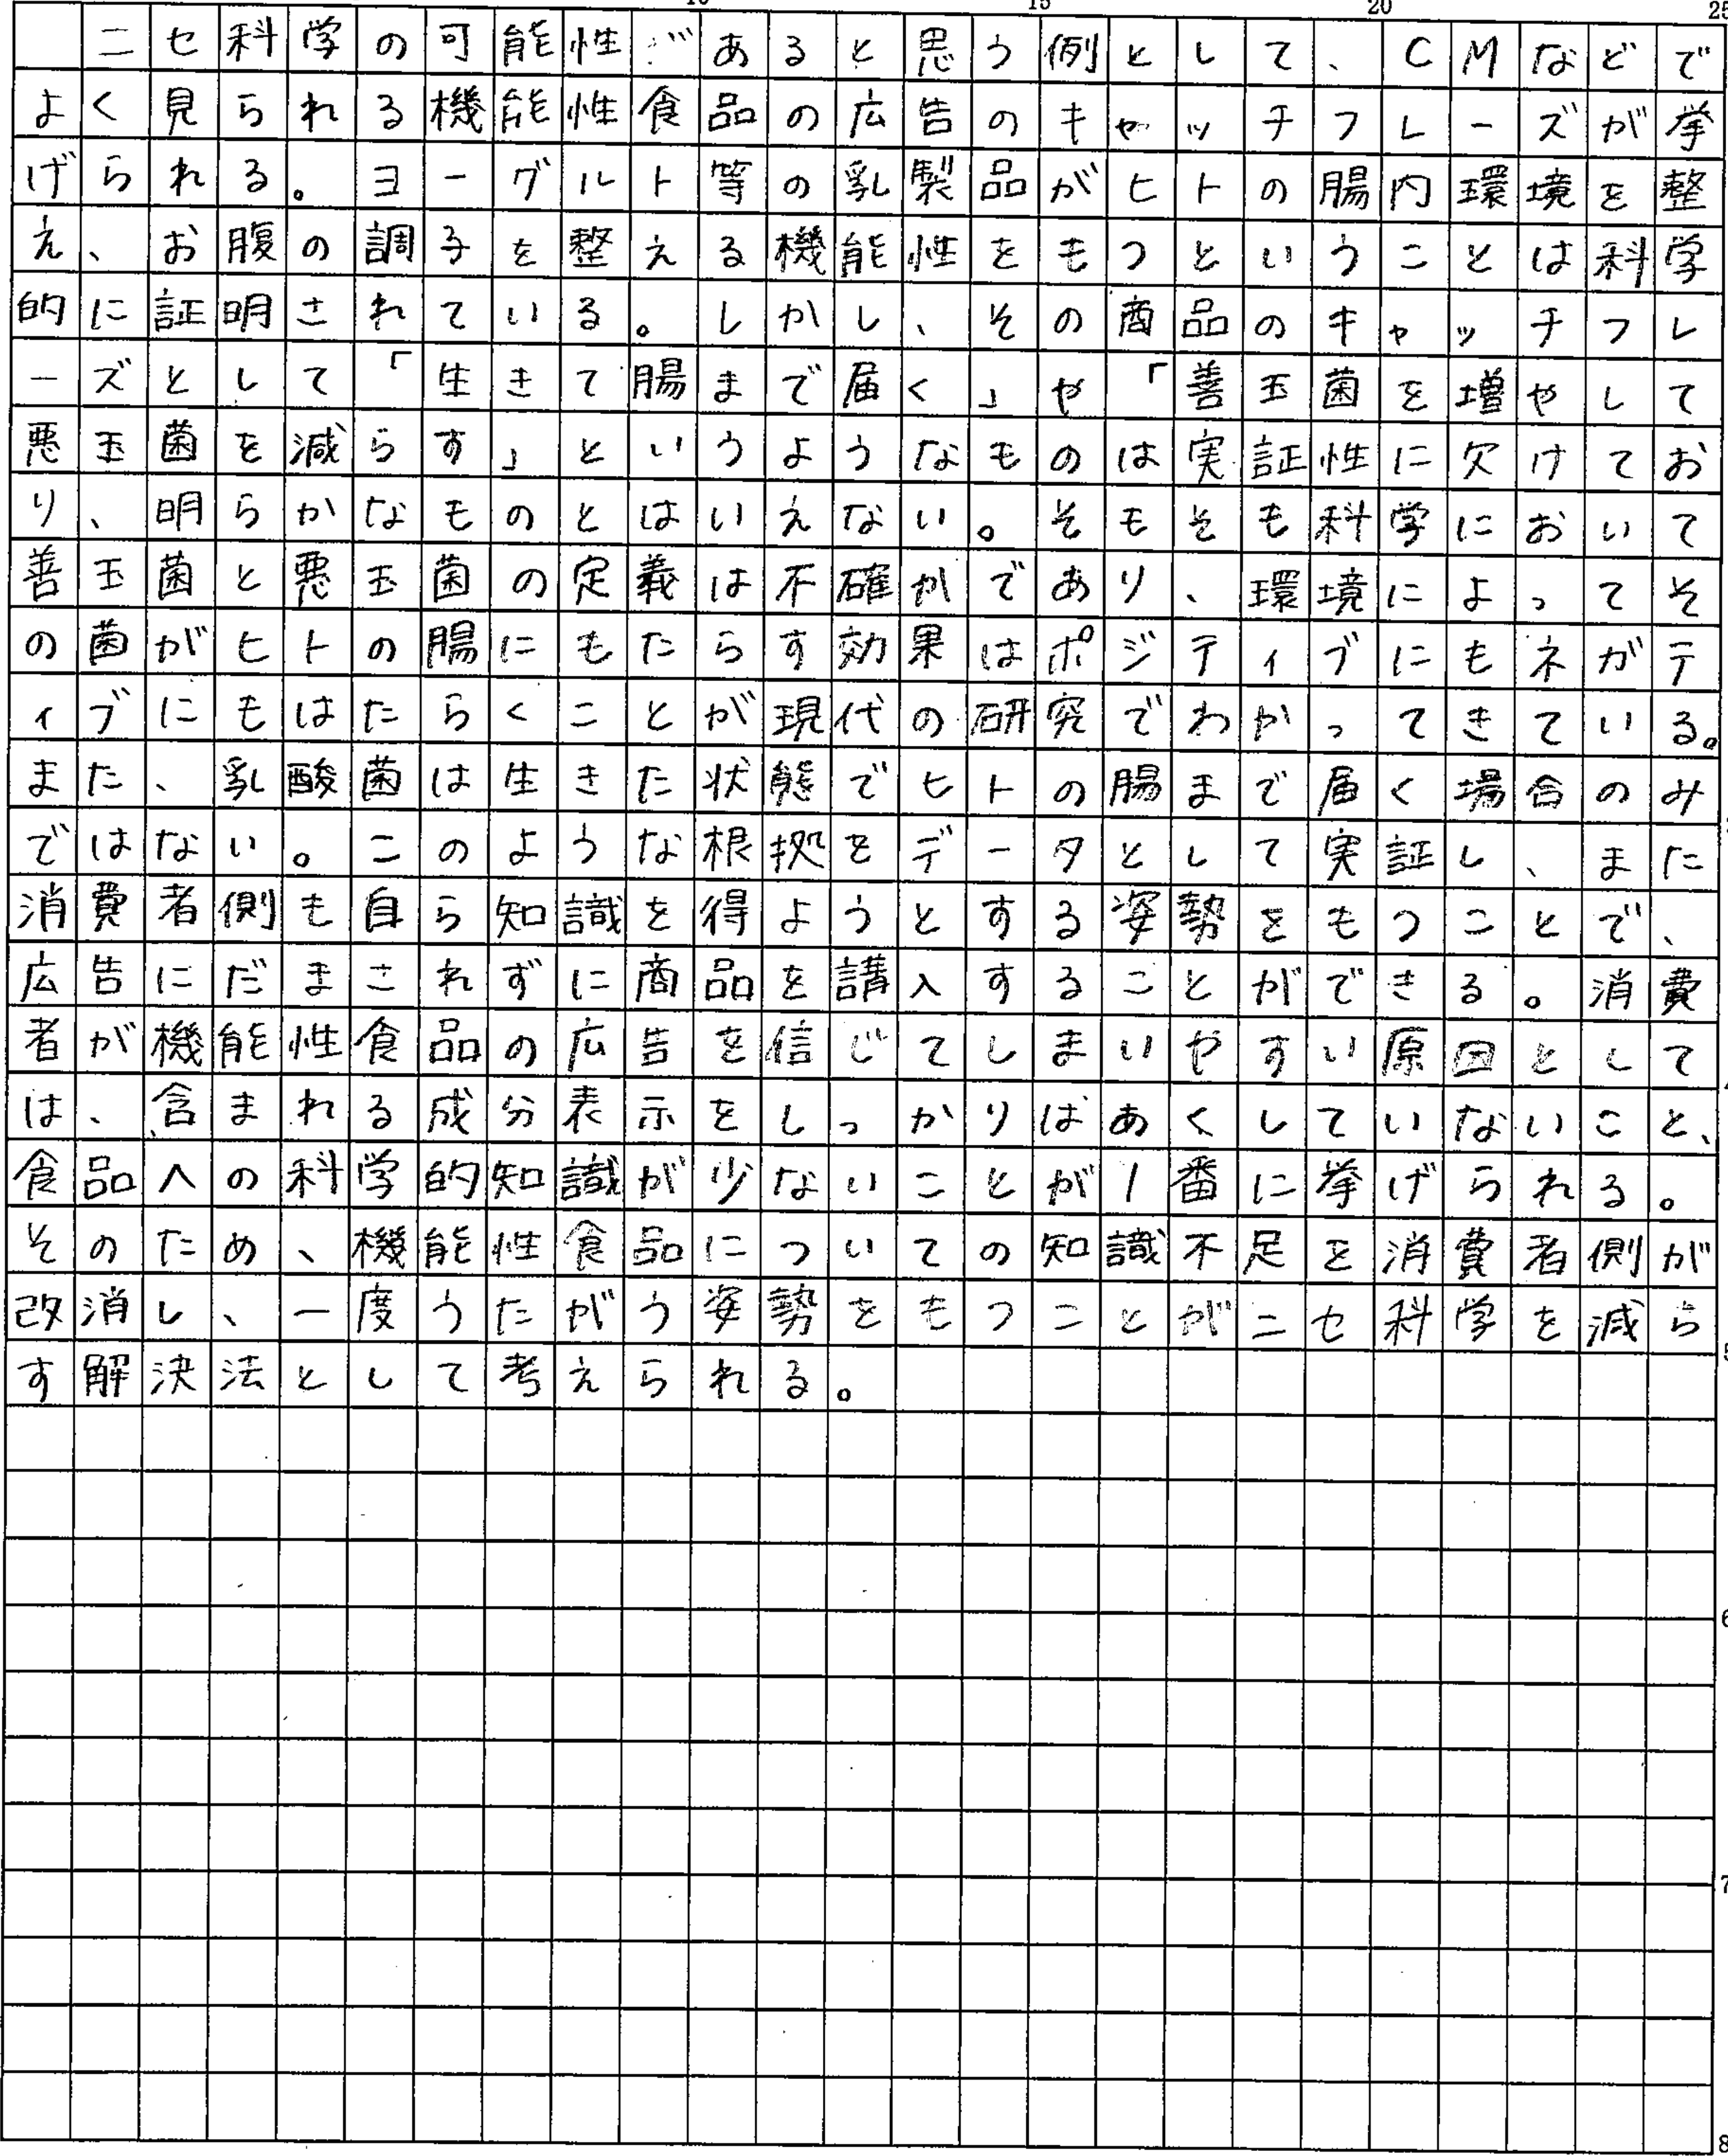　ニセ科学の可能性があると思う例として、ＣＭなどでよく見られる機能性食品の広告のキャッチフレーズが挙げられる。ヨーグルト等の乳製品がヒトの腸内環境を整え、お腹の調子を整える機能性をもつということは科学的に証明されている。しかし、その商品のキャッチフレーズとして「生きて腸まで届く」や「▁玉菌を増やして悪玉菌を減らす」というようなものは実証性に欠けており、明らかなものとはいえない。そもそも科学において▁玉菌と悪玉菌の定義は不確かであり、環境によってその菌がヒトの腸にもたらす効果はポジティブにもネガティブにもはたらくことが現代の研究でわかってきている。また、乳酸菌は生きた状態でヒトの腸まで届く場合のみではない。このような根拠をデータとして実証し、また消費者側も自ら知識を得ようとする姿勢をもつことで、広告にだまされずに商品を講入することができる。消費者が機能性食品の広告を信じてしまいやすい原因としては、含まれる成分表示をしっかりはあくしていないこと、食品への科学的知識が少ないことが１番に挙げられる。そのため、機能性食品についての知識不足を消費者側が改消し、一度うたがう姿勢をもつことがニセ科学を減らす解決法として考えられる。
